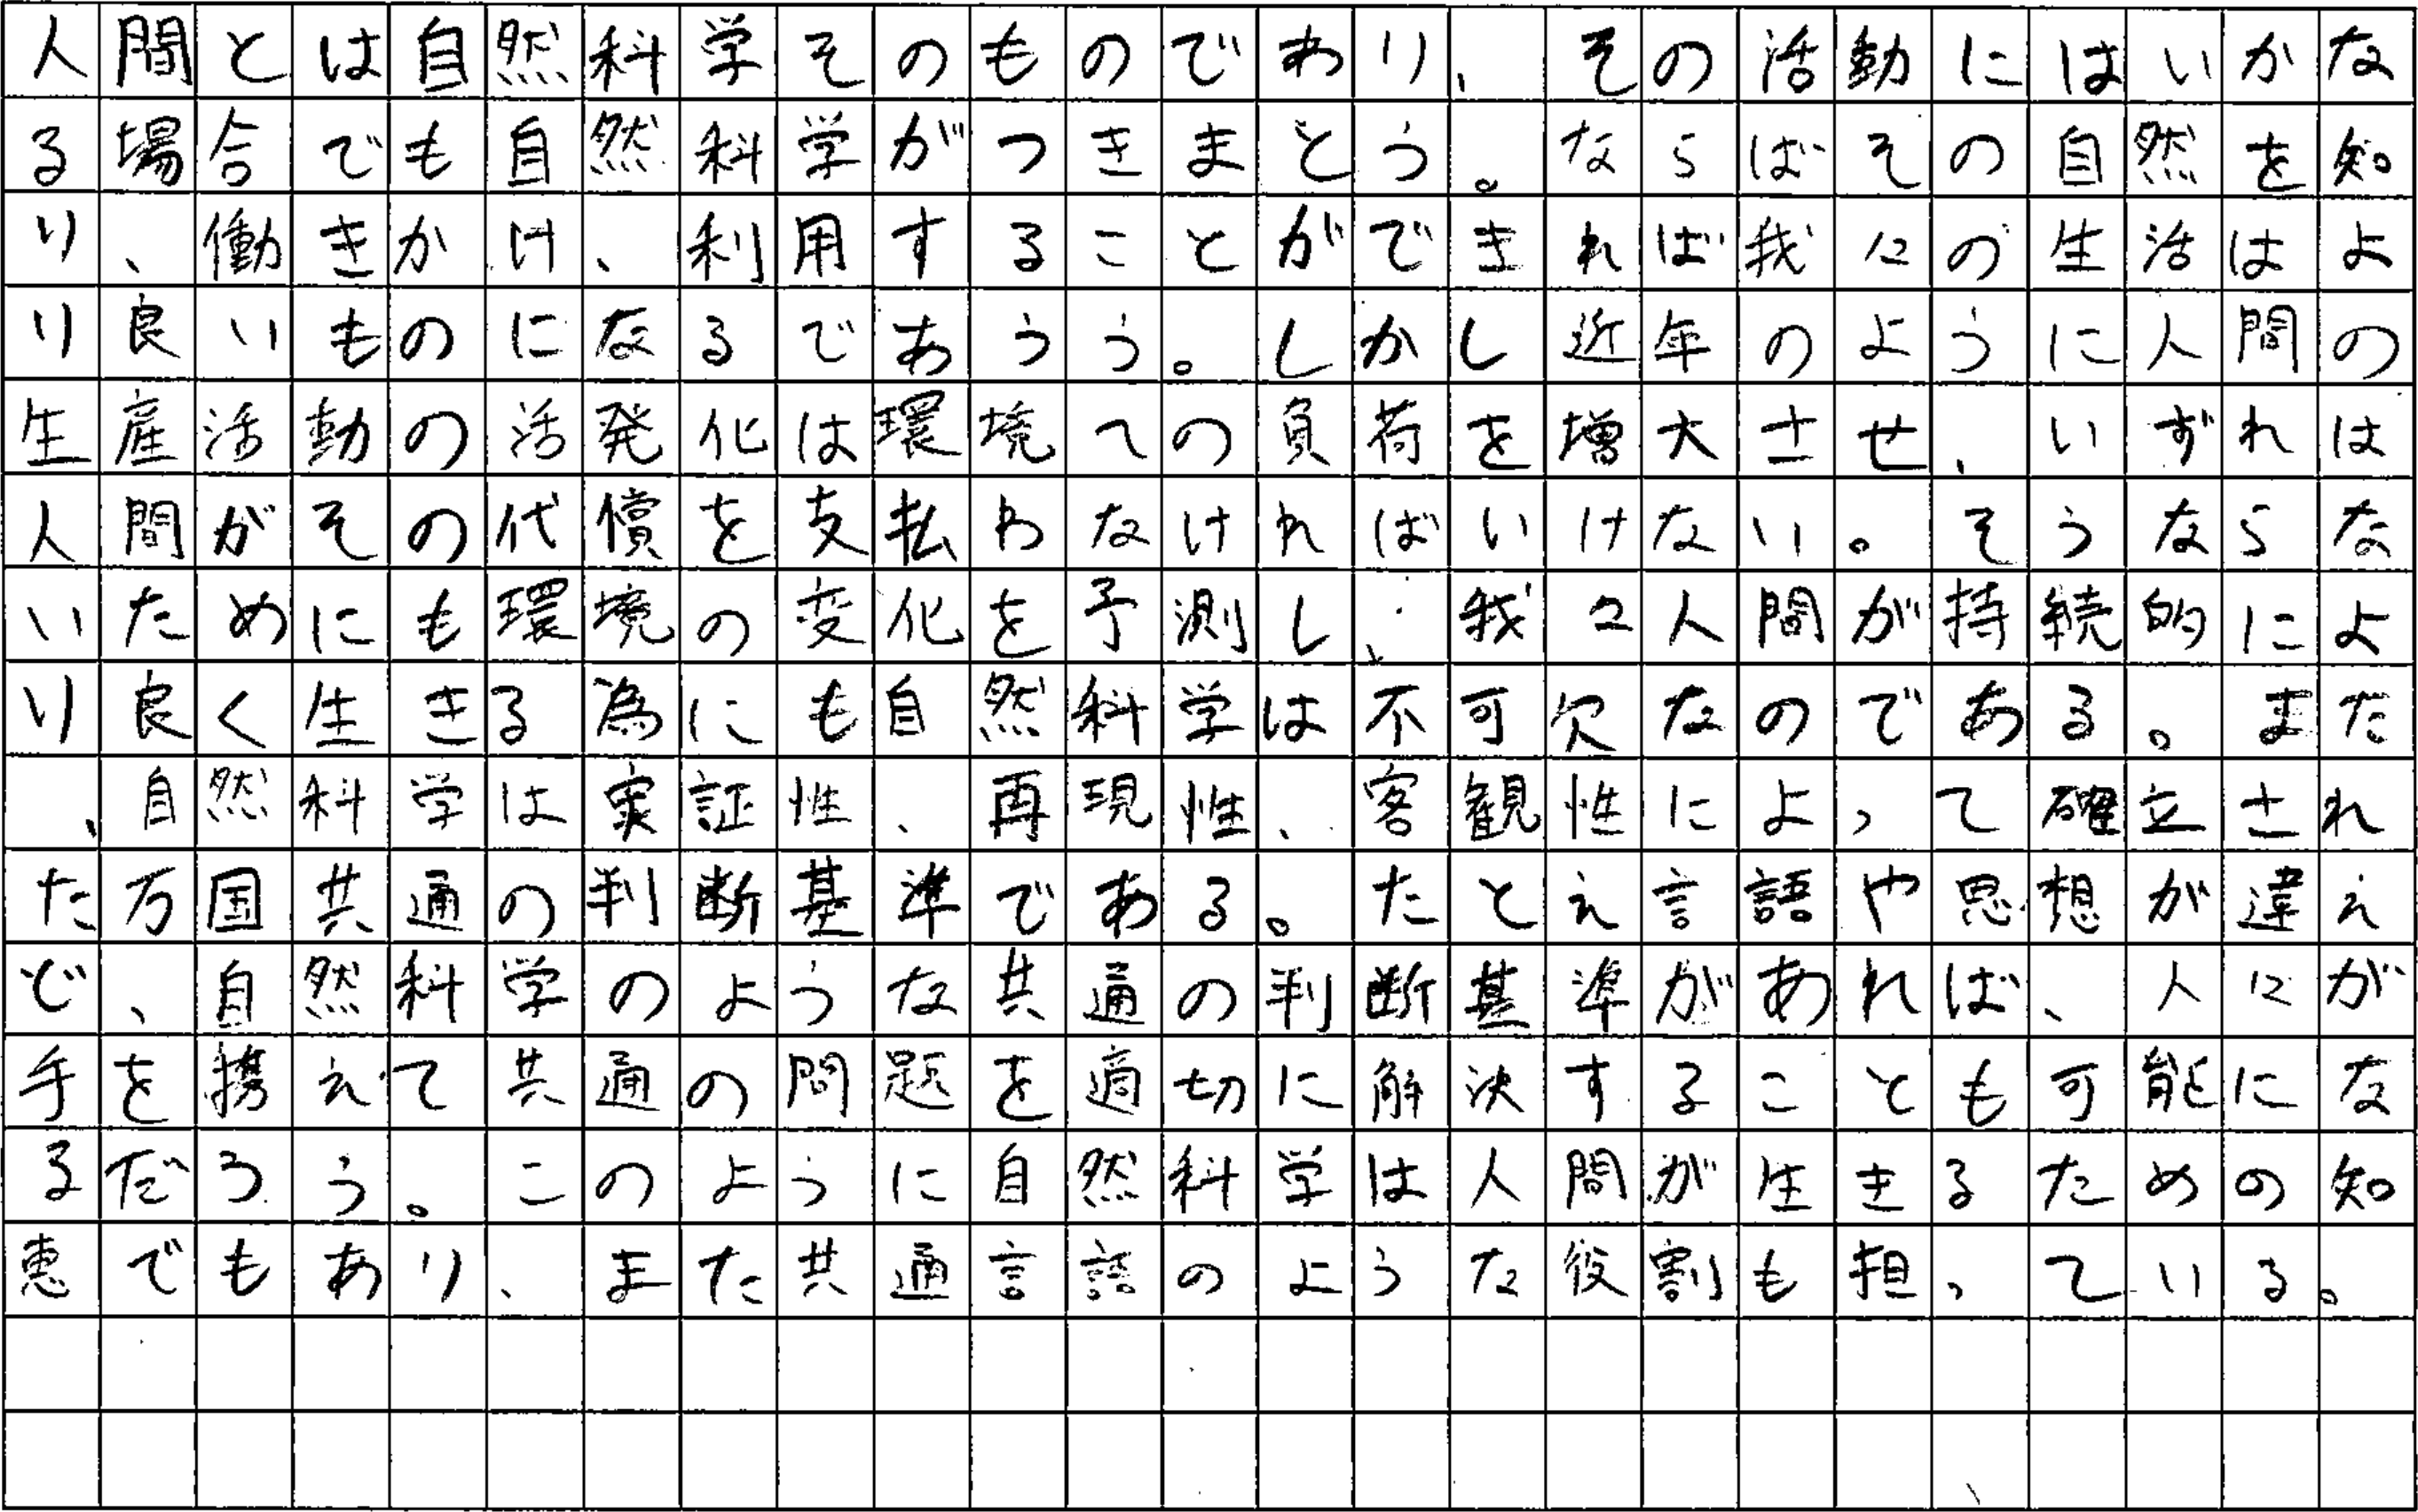人間とは自然科学そのものであり、その活動にはいかなる場合でも自然科学がつきまとう。ならばその自然を知り、働きかけ、利用することができれば我々の生活はより良いものになるであろう。しかし近年のように人間の生産活動の活発化は環境への負荷を増大させ、いずれは人間がその代償を支払わなければいけない。そうならないためにも環境の変化を予測し、我々人間が持続的により良く生きる為にも自然科学は不可欠なのである。また、自然科学は実証性、再現性、客観性によって確立された万国共通の判断基準である。たとえ言語や思想が違えど、自然科学のような共通の判断基準があれば、人々が手を携えて共通の問題を適切に解決することも可能になるだろう。このように自然科学は人間が生きるための知恵でもあり、また共通言語のような役割も担っている。
